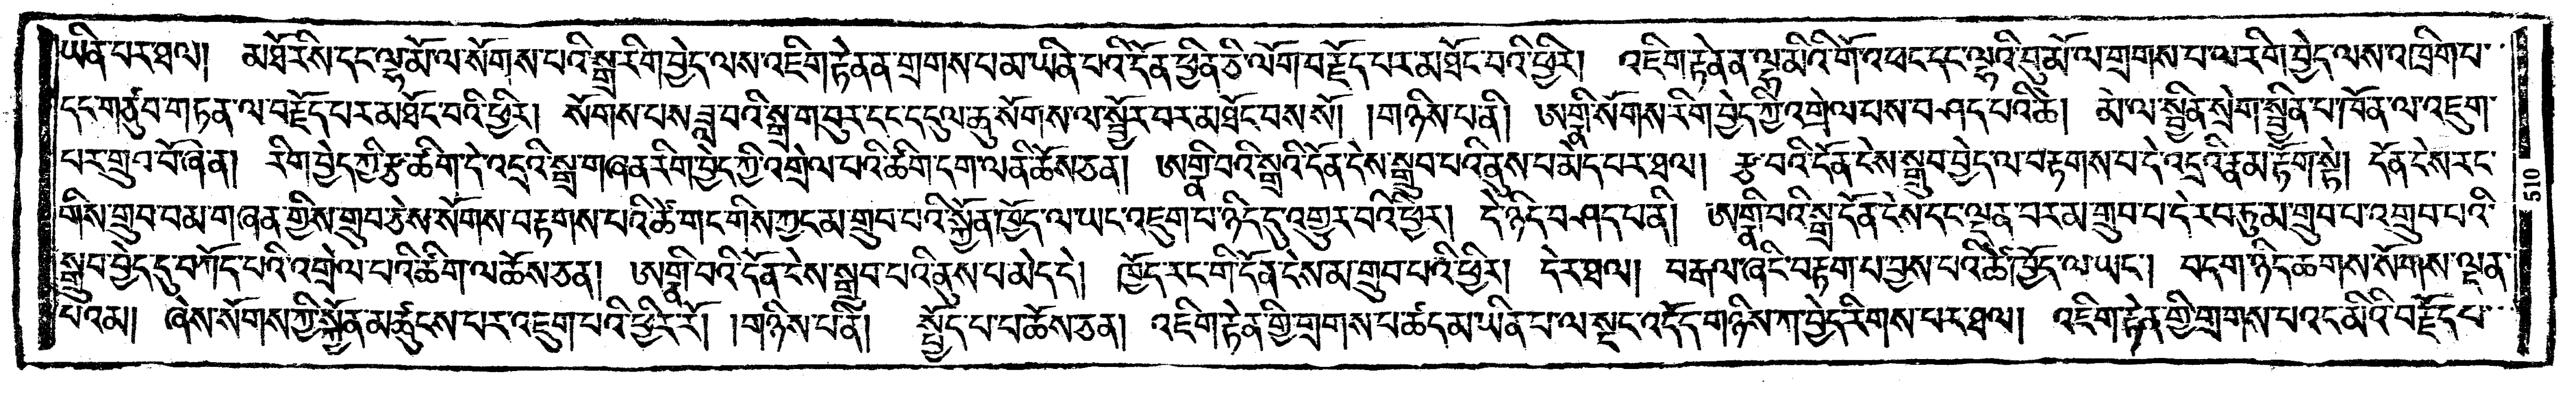ཡིན་པར་ཐལ། མཐོ་རིས་དང་ལྷ་མོ་ལ་སོགས་པའི་སྒྲ་རིག་བྱེད་ལས་འཇིག་རྟེན་ན་གྲགས་པ་མ་ཡིན་པའི་དོན་ཕྱིན་ཅི་ལོག་བརྗོད་པར་མཐོང་བའི་ཕྱིར། འཇིག་རྟེན་ན་ལྷ་མིའི་གོ་འཕང་དང་ལྷའི་བུ་མོ་ལ་གྲགས་པ་ལ་རིག་བྱེད་ལས་འཁྲིག་པ་
དང་གཙུབ་གཏན་ལ་བརྗོད་པར་མཐོང་བའི་ཕྱིར། སོགས་པས་ཟླ་བའི་སྒྲ་ག་བུར་དང་དངུལ་ཆུ་སོགས་ལ་སྦྱོར་བར་མཐོང་བས་སོ། །གཉིས་པ་ནི། ཨགནི་སོགས་རིག་བྱེད་ཀྱི་འགྲེལ་པས་བཤད་པའི་ཆེ། མེ་ལ་སྦྱིན་སྲེག་སྦྱིན་པ་ཁོ་ན་ལ་འཇུག་
པར་གྲུབ་བོ་ཞེ་ན། རིག་བྱེད་ཀྱི་རྩ་ཚིག་དེ་འདྲའི་སྒྲ་གཞན་རིག་བྱེད་ཀྱི་འགྲེལ་པའི་ཚིག་དག་ལ་ནི་ཆོས་ཅན། ཨགནི་བའི་སྒྲའི་དོན་དེས་སྒྲུབ་པའི་ནུས་པ་མེད་པར་ཐལ། རྩ་བའི་དོན་ངེས་སྒྲུབ་བྱེད་ལ་བརྟགས་པ་དེ་འདྲའི་རྣམ་རྟོག་སྟེ། དོན་ངེས་རང་
གིས་གྲུབ་བམ་གཞན་གྱིས་གྲུབ་ཅེས་སོགས་བརྟགས་པའི་ཚེ་གང་གིས་ཀྱང་མ་གྲུབ་པའི་སྐྱོན་ཁྱོད་ལ་ཡང་འཇུག་པ་ཉིད་དུ་འགྱུར་བའི་ཕྱིར། དེ་ཉིད་བཤད་པ་ནི། ཨགནི་བའི་སྒྲ་དོན་ངེས་དང་ལྡན་པར་མ་གྲུབ་པ་དེ་རབ་ཏུ་མ་གྲུབ་པ་འགྲུབ་པའི་
སྒྲུབ་བྱེད་དུ་བཀོད་པའི་འགྲེལ་པའི་ཚིག་ལ་ཆོས་ཅན། ཨགནི་བའི་དོན་ངེས་སྒྲུབ་པའི་ནུས་པ་མེད་དེ། ཁྱོད་རང་གི་དོན་ངེས་མ་གྲུབ་པའི་ཕྱིར། དེར་ཐལ། བརྒལ་ཞིང་བརྟག་པ་བྱས་པའི་ཚེ་ཁྱོད་ལ་ཡང་། བདག་ཉིད་ཆགས་སོགས་ལྡན་
པའམ། ཞེས་སོགས་ཀྱི་སྐྱོན་མཚུངས་པར་འཇུག་པའི་ཕྱིར་རོ། །གཉིས་པ་ནི། སྤྱོད་པ་པ་ཆོས་ཅན། འཇིག་རྟེན་གྱི་གྲགས་པ་ཚད་མ་ཡིན་པ་ལ་སྡང་འདོད་གཉིས་ཀ་བྱེད་རིགས་པར་ཐལ། འཇིག་རྟེན་གྱི་གྲགས་པའང་མིའི་བརྗོད་པ་